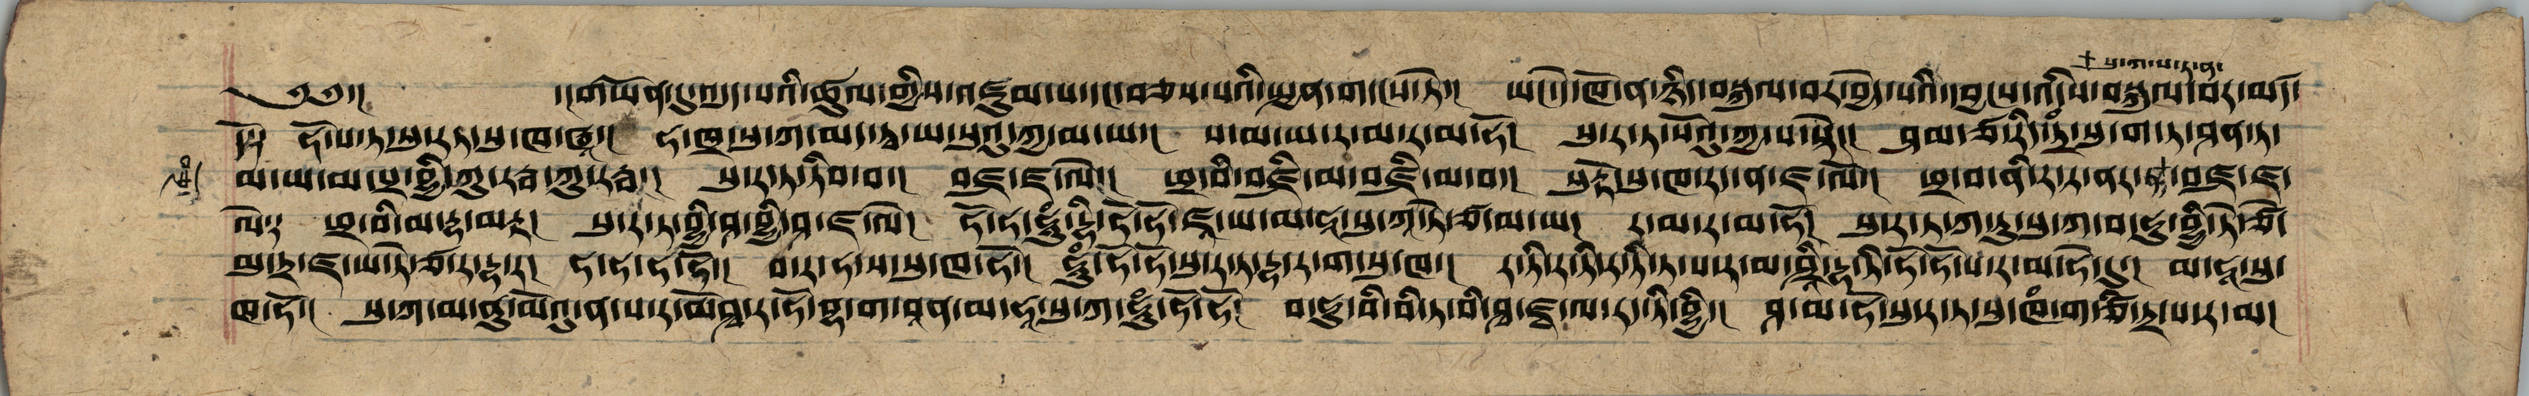༄༅་། ་།གཡོན་དུ་འདུད་པའི་ཚུལ་གྱིས་འཛུམ་པ་དང་བཅས་པའི་སྤྱན་གདངས་ཏེ་། ཡང་དེ་ཁོ་ན་ཉིད་བསྐུལ་བར་བྱེད་པའི་དབྱངས་འདིས་བསྐུལ་བར་མཛད་
དོ༑ ཧོ་ས་ཏ་སུ་རཏ་སུ་ཁ་ཝཱ་། ཧ་ཁྲ་སུ་ཀ་མད་ཏྭ་ཡ་སུའུ་ཀྱ་མ་ཡ་། ས་མ་ཡ་ར་མ་ར་མ་ཧོ། པུ་ར་ཏ་སོའུ་ཀྱ་པ་སྟེ་། ཤམ་ཙ་རིད་ཏྲཾ་སུ་ག་ཏ་ཤན་ཏ་
མ་ཡ་མ་པྲ་བྷྱི་ཀུ་རརྦ་ཀུ་རརྦ་། སུ་ར་ཏ་ཏིབ་བ་། བཛྲ་ཛ་ལེ་། ཕྲ་བཾ་བཛྲི་མ་བཛྲི་མ་བ་། སརྟོ་སུ་ཁ་རད་ན་ཛ་ལོ་། ཕྲ་བ་ནི་ར་ཏ་ནར་ཧ་བཛྲ་ཛ་
ལེ༑ ཕྲ་བི་མ་དྷ་མཏྟ། སུ་ར་ཏ་བྷྱི་ཤ་བྷྱི་ཤ་ཛ་ལེ། ཧོ་ཧ་ཧཱུཾ་དྷི་ཧོ་ཧོ་ཛཱ་ཡ་མ་ཧཱ་སུ་ཀཱ་ཏེ་ཙ་མ་ཡ། ར་མ་ར་མ་ཧོ། སུ་ར་ཏ་ཀ་རུ་སུ་ཀ་བ་ཧུ་བྷྱི་ཏེ་ཙེ་
མུ་ཏྲ་ཛ་ཡ་ཏེ་ཙ་ར་དྷ་ར། ཧ་ཧ་ཧ་ཧོ་། བ་ར་ཧ་ས་སུ་ཁ་ཧོ་། ཧཱུཾ་ཧོ་ཧོ་སུ་ར་ཏ་དྷ་ར་ག་སུ་ཁ་། ར་ཏི་ར་ཏི་ར་ཏི་ཏ་ས་ར་མ་ཤྲཱཱི་དྷ་ཏི་ཧོ་ཧོ་ས་ར་མ་ཧོ་དུ་། མ་ཧཱ་སུ་
ཁ་ཧོ་། སུ་ཀ་མ་ནུ་མོའུ་ན་ས་ར་མོཤྭ་ར་ཧོ་བྷ་ག་བཱན་མ་ཧཱ་སུ་ཀ་ཧཱུཾ་ཧོ་ཧོ། བ་ཧུ་བི་བི་ཏ་བི་ཤྭ་ཛྭ་ལ་རད་ཏི་བྷྱི་། ཤ་མ་ཧོ་སུ་ར་ཏ་སུ་ཁཾ་ག་ཙི་ཏྲ་པ་ར་མ།